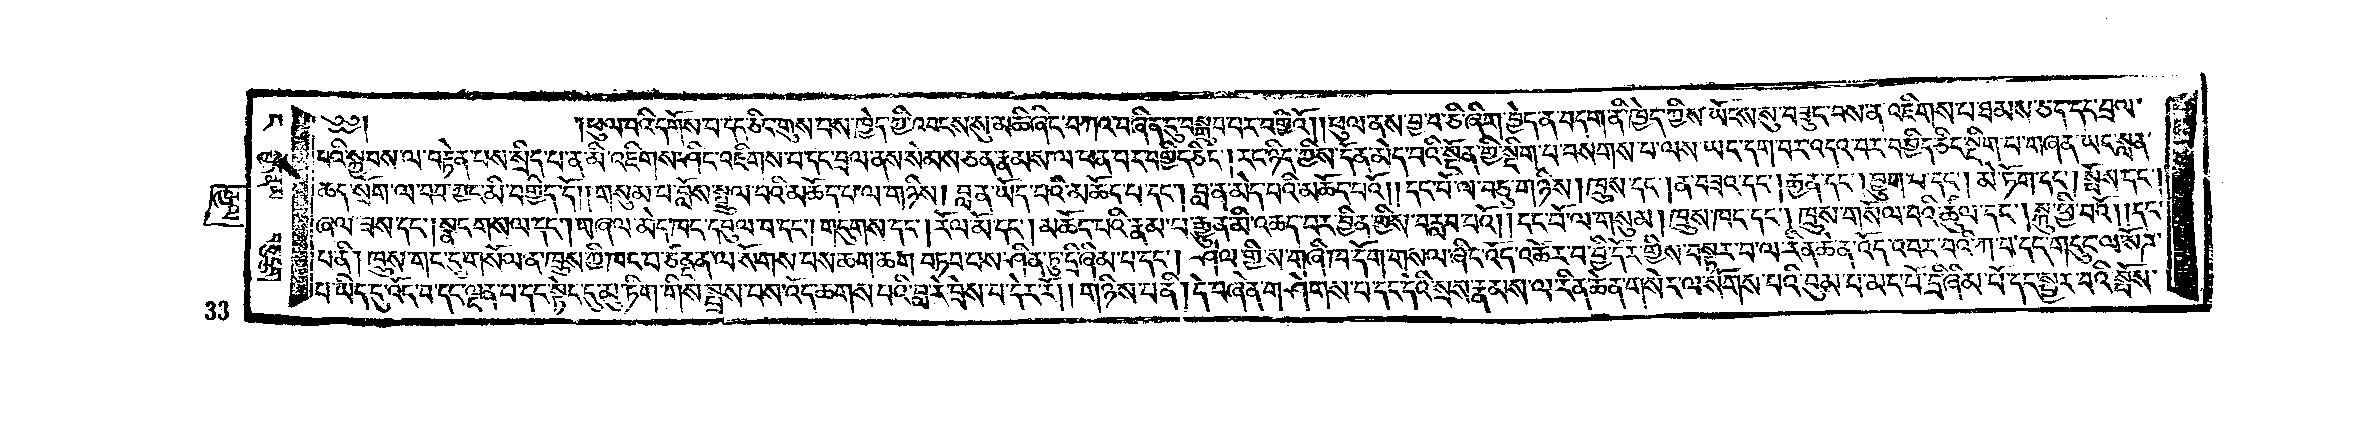༄༅། །ཕུལ་པའི་དགོས་པ་དང་ཅིང་གུས་པས་ཁྱེད་ཀྱི་འབངས་སུ་འཆི་ཞིང་བཀའ་བཞིན་དུ་བསྒྲུབ་པར་བགྱིའོ། །ཕུལ་ནས་བྱ་བ་ཅི་ཞིག་བྱེད་ན་བདག་ནི་ཁྱེད་ཀྱིས་ཡོངས་སུ་བཟུང་བས་ན་འཇིགས་པ་ཐམས་ཅད་དང་བྲལ་
བའི་སྐྱབས་ལ་བརྟེན་པས་སྲིད་པ་ན་མི་འཇིགས་ཤིང་འཇིགས་པ་དང་བྲལ་ནས་སེམས་ཅན་རྣམས་ལ་ཕན་པར་བགྱིད་ཅིང་། རང་ཉིད་ཀྱིས་དོན་མེད་པའི་སྔོན་གྱི་སྡིག་པ་བསགས་པ་ལས་ཡང་དག་པར་འདའ་བར་བགྱིད་ཅིང་སྡིག་པ་གཞན་ཡང་སླན་
ཆད་སྲོག་ལ་བབ་ཀྱང་མི་བགྱིད་དོ། །གསུམ་པ་བློས་སྤྲུལ་པའི་མཆོད་པ་ལ་གཉིས། བླ་ན་ཡོན་པའི་མཆོད་པ་དང་། བླ་ན་མེད་པའི་མཆོད་པའོ། །དང་པོ་ལ་བཅུ་གཉིས། ཁྲུས་དང་། ན་བཟའ་དང་། རྒྱན་དང་། བྱུག་པ་དང་། མེ་ཏོག་དང་། སྤོས་དང་།
ཞལ་ཟས་དང་། སྣང་གསལ་དང་། གཞལ་མེད་ཁང་དབུལ་བ་དང་། གདུགས་དང་། རོལ་མོ་དང་། མཆོད་པའི་རྣམ་པ་རྒྱུན་མི་འཆད་པར་བྱིན་གྱིས་བརླབ་པའོ། །དང་པོ་ལ་གསུམ། ཁྲུས་ཁང་དང་། ཁྲུས་གསོལ་བའི་ཚུལ་དང་། སྐུ་ཕྱི་བའོ། །དང་
པོ་ནི། ཁྲུས་གང་དུ་གསོལ་ན་ཁྲུས་ཀྱི་ཁང་པ་ཙནདན་ལ་སོགས་པས་ཆག་ཆག་བཏབ་པས་ཤིན་ཏུ་དྲི་ཞིམ་པ་དང་། ཤེལ་གྱི་ས་གཞི་ཁ་དོག་གསལ་ཞིང་འོད་འཚེར་བ་བྱི་དོར་གྱིས་བསྟར་བ་ལ་རིན་ཆེན་འོད་འབར་བའི་ཀ་བ་དང་གདུང་ལ་སོགས་
པ་ཡིད་དུ་འོང་བ་དང་ལྡན་པ་དང་སྟེང་དུ་མུ་ཏིག་གིས་སྤྲས་པས་འོད་ཆགས་པའི་བླ་རེ་བྲེས་པ་དེར་རོ། །གཉིས་པ་ནི། དེ་བཞིན་གཤེགས་པ་དང་དེའི་སྲས་རྣམས་ལ་རིན་ཆེན་གསེར་ལ་སོགས་པའི་བུམ་པ་མང་པོ་དྲི་ཞིམ་པོ་དང་སྦྱར་བའི་སྤོས་